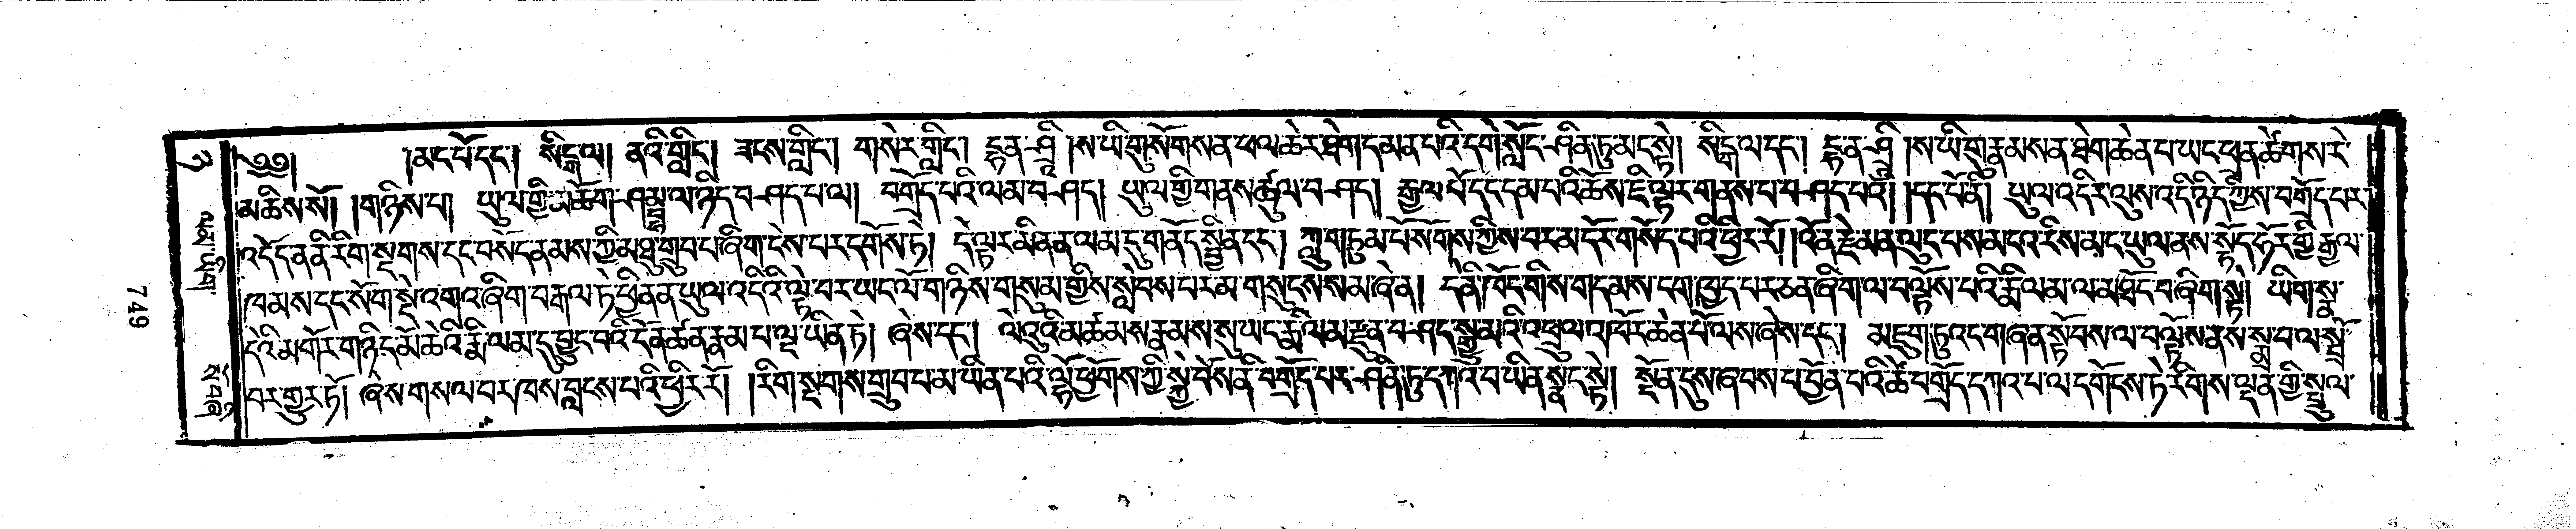༄༅། །མང་པོ་དང་། སིངྒ་ལ། ནའི་གླིང་། ཟངས་གླིང་། གསེར་གླིང་། དྷན་ཤྲཱི། ས་ཡི་གུ་སོགས་ན་ཕལ་ཆེར་ཐེག་དམན་པའི་དགེ་སློང་ཤིན་ཏུ་མང་སྟེ། སིངྒ་ལ་དང་། དྷ་ན་ཤྲཱི་།ས་ཡི་གུ་རྣམས་ན་ཐེག་ཆེན་པ་ཡང་ཕྲན་ཚེགས་རེ་
མཆིས་སོ། །གཉིས་པ། ཡུལ་གྱི་མཆོག་ཤམྦྷ་ལ་ཉིད་བཤད་པ་ལ། བགྲོད་པའི་ལམ་བཤད། ཡུལ་གྱི་གནས་ཚུལ་བཤད། རྒྱལ་པོ་དང་དམ་པའི་ཆོས་ཇི་ལྟར་གནས་པ་བཤད་པའོ། །དང་པོ་ནི། ཡུལ་འདིར་ལུས་འདིར་ཉིད་ཀྱིས་བགྲོད་པར་
འདོད་ན་ནི་རིག་སྔགས་དང་བསོད་ནམས་ཀྱི་མཐུ་གྲུབ་པ་ཞིག་ངེས་པར་དགོས་ཏེ། དེ་ལྟར་མིན་ན་ལམ་དུ་གནོད་སྦྱིན་དང་། ཀླུ་གཏུམ་པོ་སོགས་ཀྱིས་བར་མདོར་གསོད་པའི་ཕྱིར་རོ། །འོ་ན་རྗེ་མན་ལུང་པས་མངའ་རིས་མང་ཡུལ་ནས་སྟོད་ཧོར་གྱི་རྒྱལ་
ཁམས་དང་སོག་སྡེ་འགའ་ཞིག་བརྒལ་ཏེ་ཕྱིན་ན་ཡུལ་འདིའི་ལྟེ་བར་ཡང་ལོ་གཉིས་གསུམ་གྱིས་སླེབས་པར་མ་གསུངས་སམ་ཞེ་ན། དེ་ནི་ཁོང་གིས་གདམས་ངག་ཁྱད་པར་ཅན་ཞིག་ལ་བལྟོས་པའི་རྨི་ལམ་ལ་མཐོང་བ་ཞིག་སྟེ། ཡིག་སྣ་
དེའི་མགོར་གཉིད་མོ་ཆེའི་རྨི་ལམ་དུ་བྱུང་བའི་དོན་ཚན་རྣམ་པ་ལྔ་ཡིན་ཏེ། ཞེས་དང་། ལེའུའི་མཚམས་རྣམས་སུ་ཡང་རྨི་ལམ་རྫུན་བ་ཤད་སྒྱུ་མའི་འཕྲུལ་འཁོར་ཆེན་པོ་ལས་ཞེས་དང་། མཇུག་ཏུའང་གཞན་སྟོབས་ལ་བལྟོས་ནས་སྨྲ་བ་ལ་སྦྲོ་
བར་གྱུར་ཏོ། ཞེས་གསལ་བར་ཁས་བླངས་པའི་ཕྱིར་རོ། །རིག་སྔགས་གྲུབ་པ་མ་ཡིན་པའི་ལྷོ་ཕྱོགས་ཀྱི་སྐྱེ་བོས་ནི་བགྲོད་པར་ཤིན་ཏུ་དཀའ་བ་ཡིན་སྣང་སྟེ། སྔོན་དུས་ཞབས་པ་བྱོན་པའི་ཚེ་བགྲོད་དཀའ་པ་ལ་དགོངས་ཏེ་རིགས་ལྡན་གྱི་སྤྲུལ་